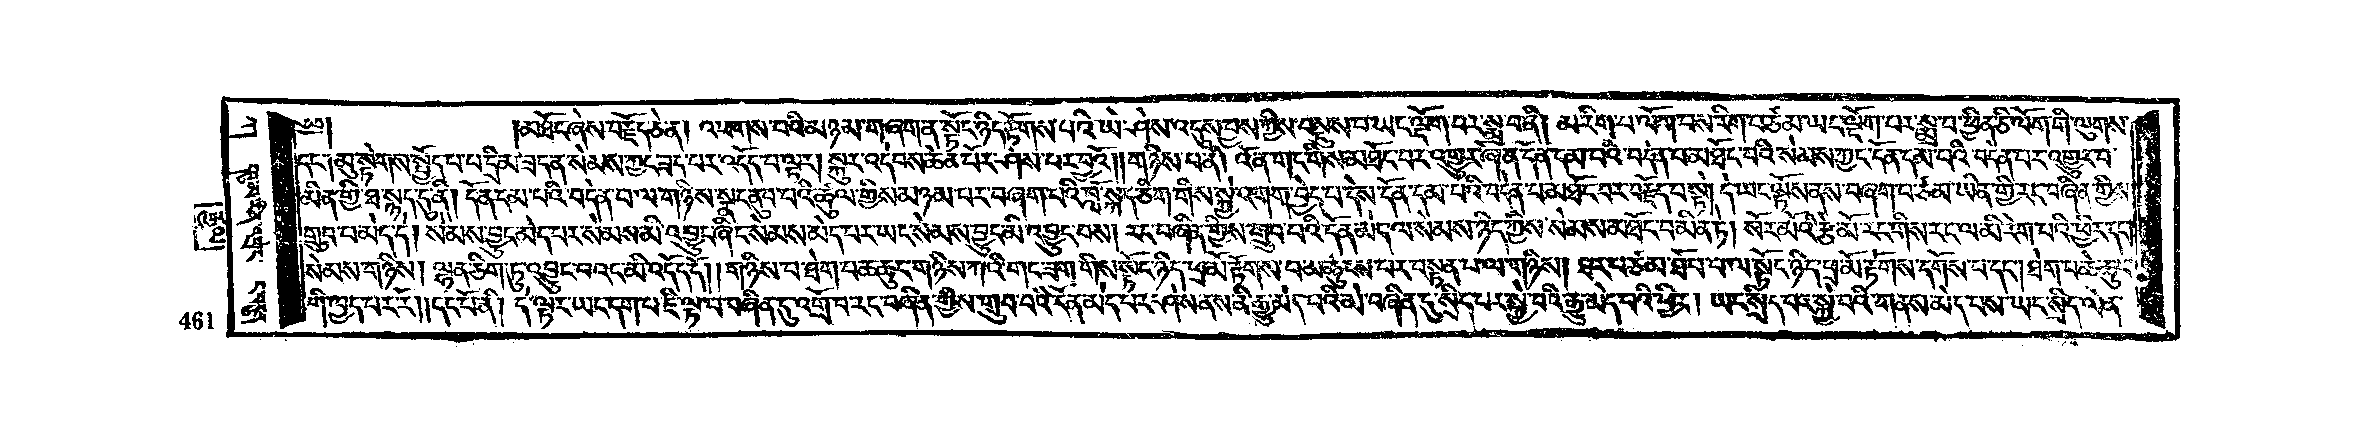༄༅། །མཐོང་ཞེས་བརྗོད་ཅེ་ན། འཕགས་པའི་མཉམ་གཞག་ན་སྟོང་ཉིད་རྟོགས་པའི་ཡེ་ཤེས་འདུས་བྱས་ཀྱིས་བསྡུས་པ་ཡང་ལྡོག་པར་སྨྲ་བ་ནི། མ་རིག་པ་ལོག་པས་རིག་པ་ཙམ་ཡང་ལྡོག་པར་སྨྲ་བ་ཕྱིན་ཅི་ལོག་གི་ལུགས་
དང་། མུ་སྟེགས་སྤྱོད་པ་པ་དྲི་མ་ཟད་ན་སེམས་ཀྱང་ཟད་པར་འདོད་པ་ལྟར། སྐུར་འདེབས་ཆེན་པོར་ཤེས་པར་བྱའོ། །གཉིས་པ་ནི། འོ་ན་གང་གི་མཐོང་བར་འགྱུར་ཞེ་ན་དོན་དམ་པའི་བདེན་པ་མཐོང་བའི་སེམས་ཀྱང་དོན་དམ་པའི་བདེན་པར་འགྱུར་བ་
མིན་གྱི་ཐ་སྙད་དུ་ནི། དོན་དམ་པའི་བདེན་པ་ལ་གཉིས་སྣང་ནུབ་པའི་ཚུལ་གྱིས་མཉམ་པར་བཞག་པའི་བློ་སྐད་ཅིག་གིས་སྐྱེ་འགག་བྱེད་པ་དེས་དོན་དམ་པའི་བདེན་པ་མཐོང་བར་བརྗོད་པ་སྟེ། དེ་ཡང་ལྟོས་ནས་བཞག་པ་ཙམ་ཡིན་གྱི་རང་བཞིན་གྱིས་
གྲུབ་པ་མེད་དེ། སེམས་བྱུང་མེད་པར་སེམས་མི་འབྱུང་ཞིང་སེམས་མེད་པར་ཡང་སེམས་བྱུང་མི་འབྱུང་བས། རང་བཞིན་གྱིས་གྲུབ་པའི་དོན་མེད་ལ་སེམས་ཉིད་ཀྱིས་སེམས་མཐོང་བ་མིན་ཏེ། སོར་མོའི་རྩེ་མོ་རང་གིས་རང་ལ་མི་རེག་པའི་ཕྱིར་དང་།
སེམས་གཉིས། ལྷན་ཅིག་ཏུ་འབྱུང་བའང་མི་འདོད་དོ། །གཉིས་པ་ཐེག་པ་ཆེ་ཆུང་གཉིས་ཀའི་གང་ཟག་གིས་སྟོང་ཉིད་ཕྲ་མོ་རྟོགས་པ་མཚུངས་པར་བསྟན་པ་ལ་གཉིས། ཐར་པ་ཙམ་ཐོབ་པ་ལ་སྟོང་ཉིད་ཕྲ་མོ་རྟོགས་དགོས་པ་དང་། ཐེག་པ་ཆེ་ཆུང་
གི་ཁྱད་པར་རོ། །དང་པོ་ནི། དེ་ལྟར་ཡང་དག་པ་ཇི་ལྟ་བ་བཞིན་དུ་འགྲོ་བ་རང་བཞིན་གྱིས་གྲུབ་པའི་དོན་མེད་པར་ཤེས་ནས་ནི་རྒྱུ་མེད་པའི་མེ་བཞིན་དུ་སྲིད་པར་སྐྱེ་བའི་རྒྱུ་མེད་པའི་ཕྱིར། ཡང་སྲིད་པར་སྐྱེ་བའི་གནས་མེད་པས་ཡང་སྲིད་ལེན་